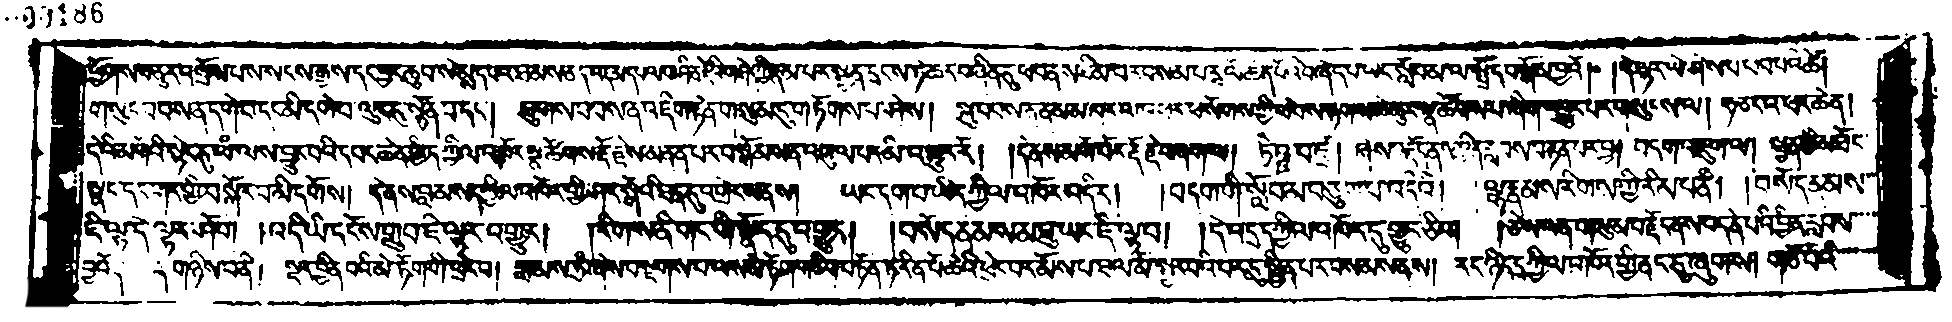ཕྱོགས་བཅུར་འཕྲོས་པས་སངས་རྒྱས་དང་བྱང་ཆུབ་སེམས་དཔའ་ཐམས་ཅད་འཇམ་དཔལ་གཤིན་རྗེའི་གཤེད་ཀྱི་རྣམ་པར་སྤྱན་དྲངས་ཏེ་ཆར་བཞིན་དུ་ཕབ་ནས་ཐིམ་པར་བསམ་པ་རྭ་ལོ་ཆེན་པོའི་བཞེད་པ་ཡང་སློབ་མ་ལ་སྤྲོད་བསྒོམ་བྱའོ། །དེ་ལྟར་ཡེ་ཤེས་པ་ཕབ་པའི་ཚེ།
གསུང་བབས་ན་དགེ་བ་དང་མི་དགེ་བ་ལུང་དུ་སྟོན་པ་དང་། ཐུགས་བབས་ན་འཇིག་རྟེན་གསུམ་དུ་གཏོགས་པ་ཤེས། སྐུ་བབས་ན་ནམ་མཁར་ལ་འཕར་ཕ་སོགས་ཀྱི་ཕེབས་རྟགས་ཆེ་ཆུང་སྣ་ཚོགས་པ་ཞིག་འབྱུང་པར་གསུངས་ལ། ཧ་ཅང་འཕར་ཆེན།
དེའི་མགོའི་སྟེང་དུ་ལཾ་ལས་བྱུང་བའི་དབང་ཆེན་གྱི་དཀྱིལ་འཁོར་སྣ་ཚོགས་རྡོ་རྗེས་མནན་པར་བསྒོམས་ན་འགུལ་པར་མི་འགྱུར་རོ། །དེ་ནས་མགོ་བོར་རྡོ་རྗེ་བཞག་ལ། ཊི་ཥཊཿཨ་བཛྲ། ཞེས་བརྗོད་ནས་བྱིན་རླབས་བརྟན་པར་བྱ། བདག་འཇུག་ལ། སྤྱན་གྱི་མཐོང་
སྣང་དང་གར་གྱི་བསྐོར་བ་མི་དགོས། དེ་ནས་བླ་མས་དཀྱིལ་འཁོར་གྱི་ཤར་སྒོའི་ཐད་དུ་འགྲེངས་ནས། ཡང་དག་པ་ཡི་དཀྱིལ་འཁོར་འདིར། །བདག་གི་སློབ་མ་བཅུག་པ་འདིའི། །ལྷ་རྣམས་རིགས་ཀྱི་རིམ་པ་ནི། །བསོད་ནམས་
ཇི་ལྟ་དེ་ལྟར་ཤོག །འདི་ཡི་དངོས་གྲུབ་ཇི་ལྟར་འགྱུར། །རིགས་ནི་གང་གི་སྣོད་དུ་འགྱུར། །བསོད་ནམས་མཐུ་ཡང་ཇི་ལྟ་བ། །དེ་འདྲ་དཀྱིལ་འཁོར་དུ་གྱུར་ཅིག །ཅེས་ལན་གསུམ་བརྗོད་ནས་བདེན་པའི་བྱིན་རླབས་
བྱའོ། །གཉིས་པ་ནི། སྔར་བྱིན་བའི་མེ་ཏོག་གི་ཕྲེང་བ། བླ་མས་ཏྲཾ་ཞེས་བསྔགས་པ་ལས་མེ་ཏོག་གཅིག་པ་ཏོན་ཏ་རིན་པོ་ཆེའི་ཕྲེང་བར་མོས་པ་ཐལ་མོ་སྦྱར་བའི་བར་དུ་སྦྱིན་པར་བསམས་ནས། རང་ཉིད་དཀྱིལ་འཁོར་གྱི་ནང་དུ་ཞུགས། གཙོ་བོའ་